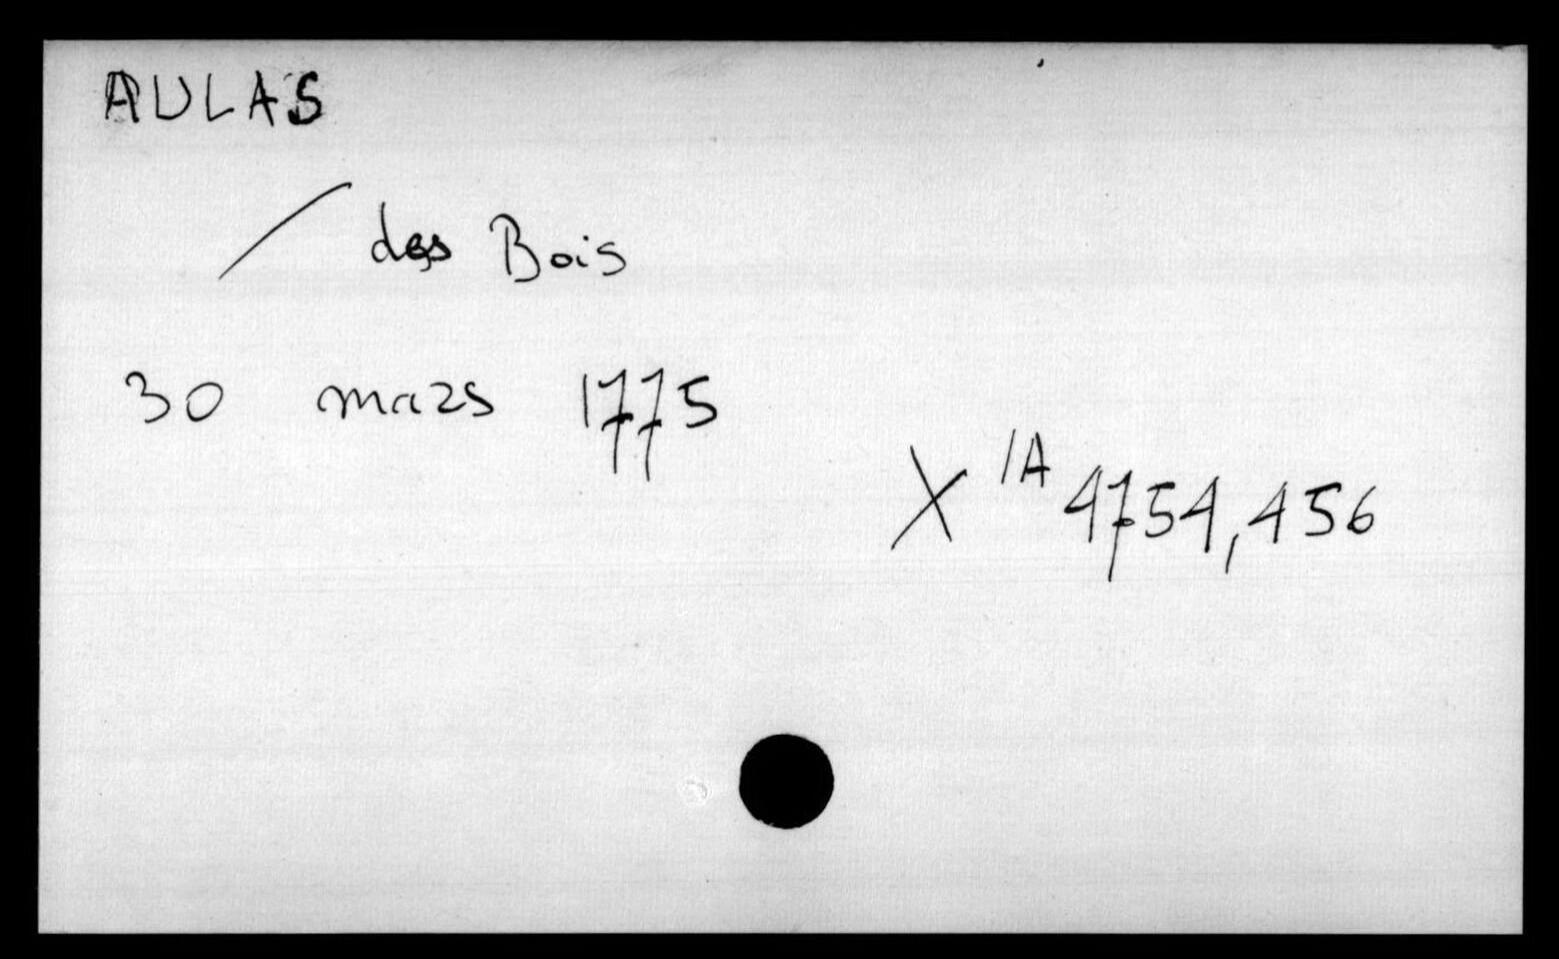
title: AULAS
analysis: Contre des Bois
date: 30 mars 1775
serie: X1A
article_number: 4754
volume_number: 456
